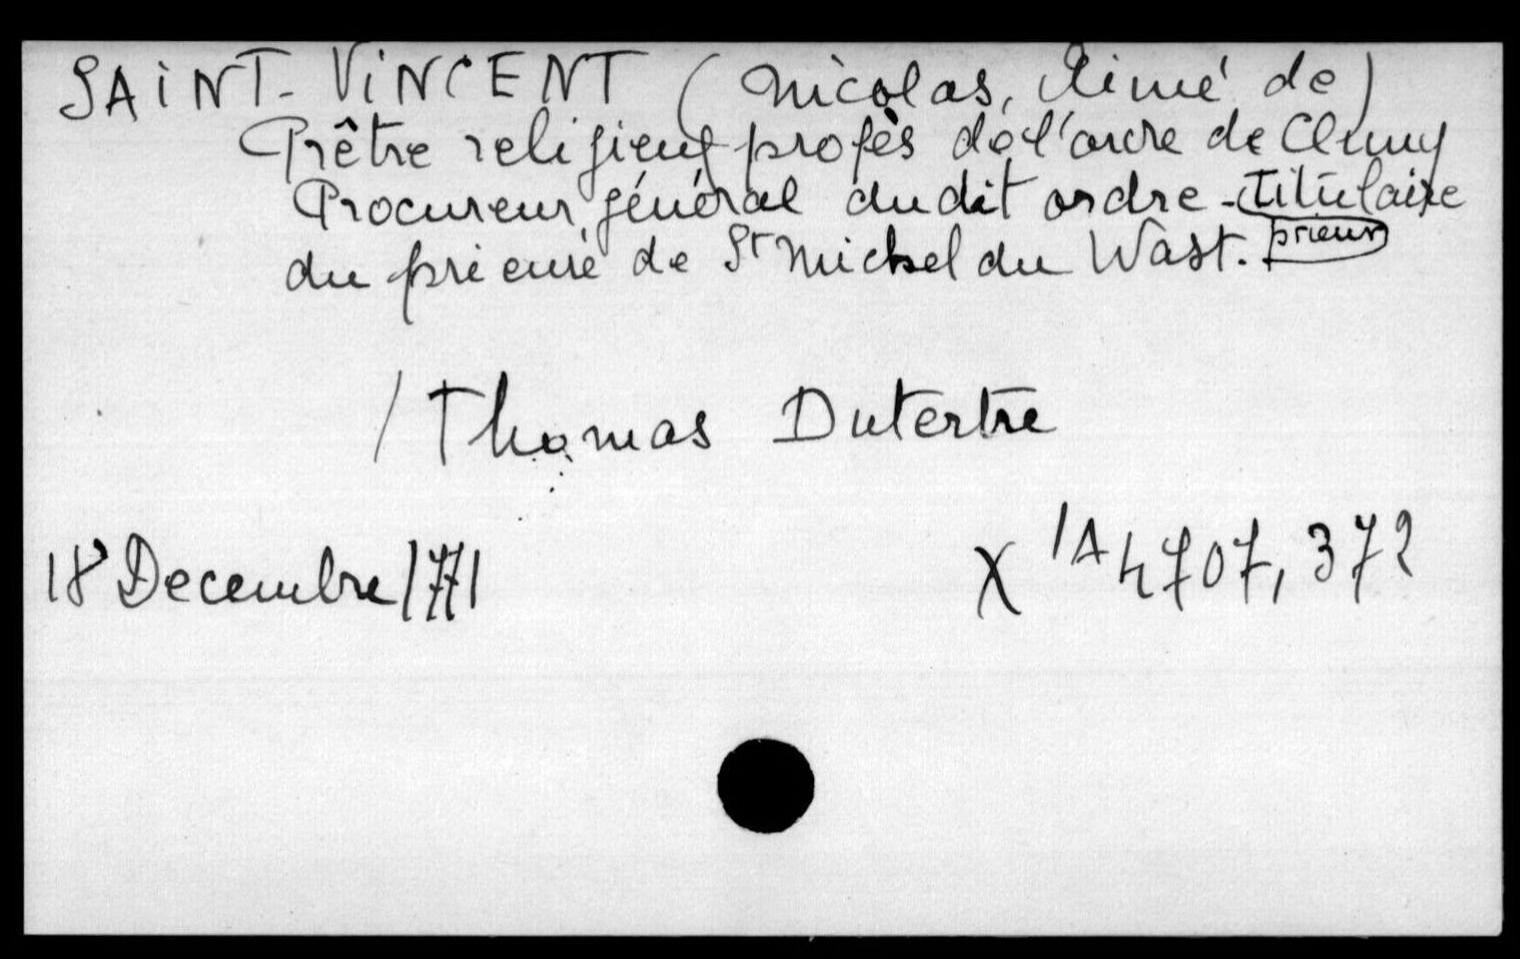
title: SAINT-VINCENT (Nicolas, Aimé de) Prêtre religieux professeur de l'ordre de Cluny Procureur général du dit ordre prieur titulaire du prieuré de Saint-Michel du Wast.
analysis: Contre Thomas Dutertre
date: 18 décembre 1771
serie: X1A
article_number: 4707
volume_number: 372
